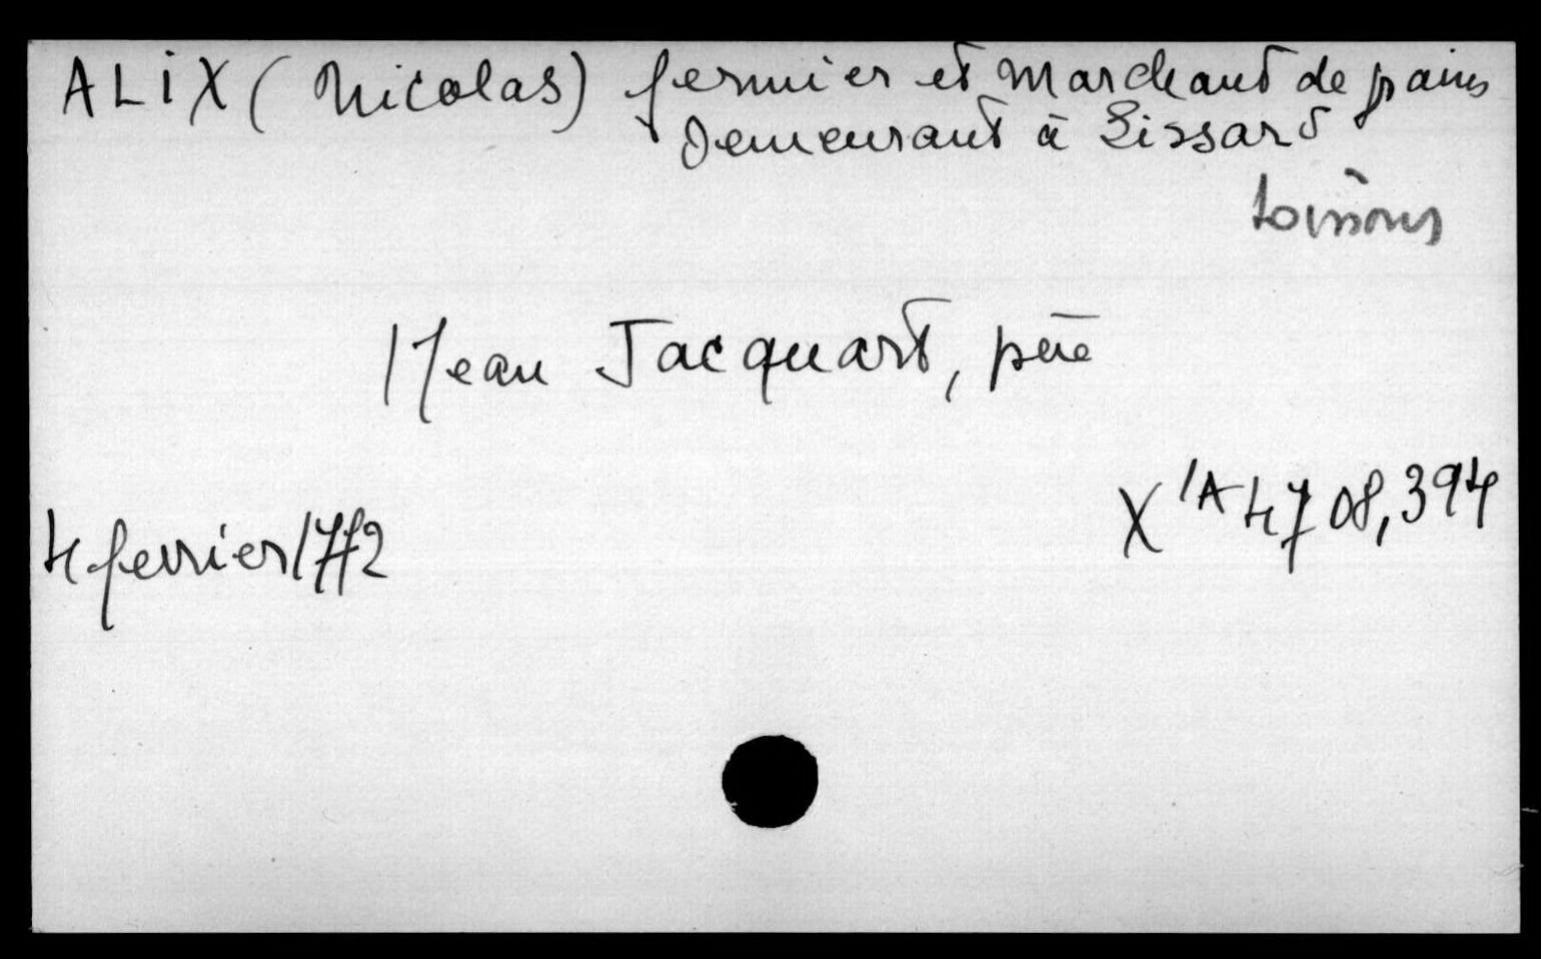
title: ALIX (Nicolas) fermier et marchand de grains demeurant à Lissard, Soissons
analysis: Contre Jean Jacquart, père
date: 4 février 1772
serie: X1A
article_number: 4708
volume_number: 394
